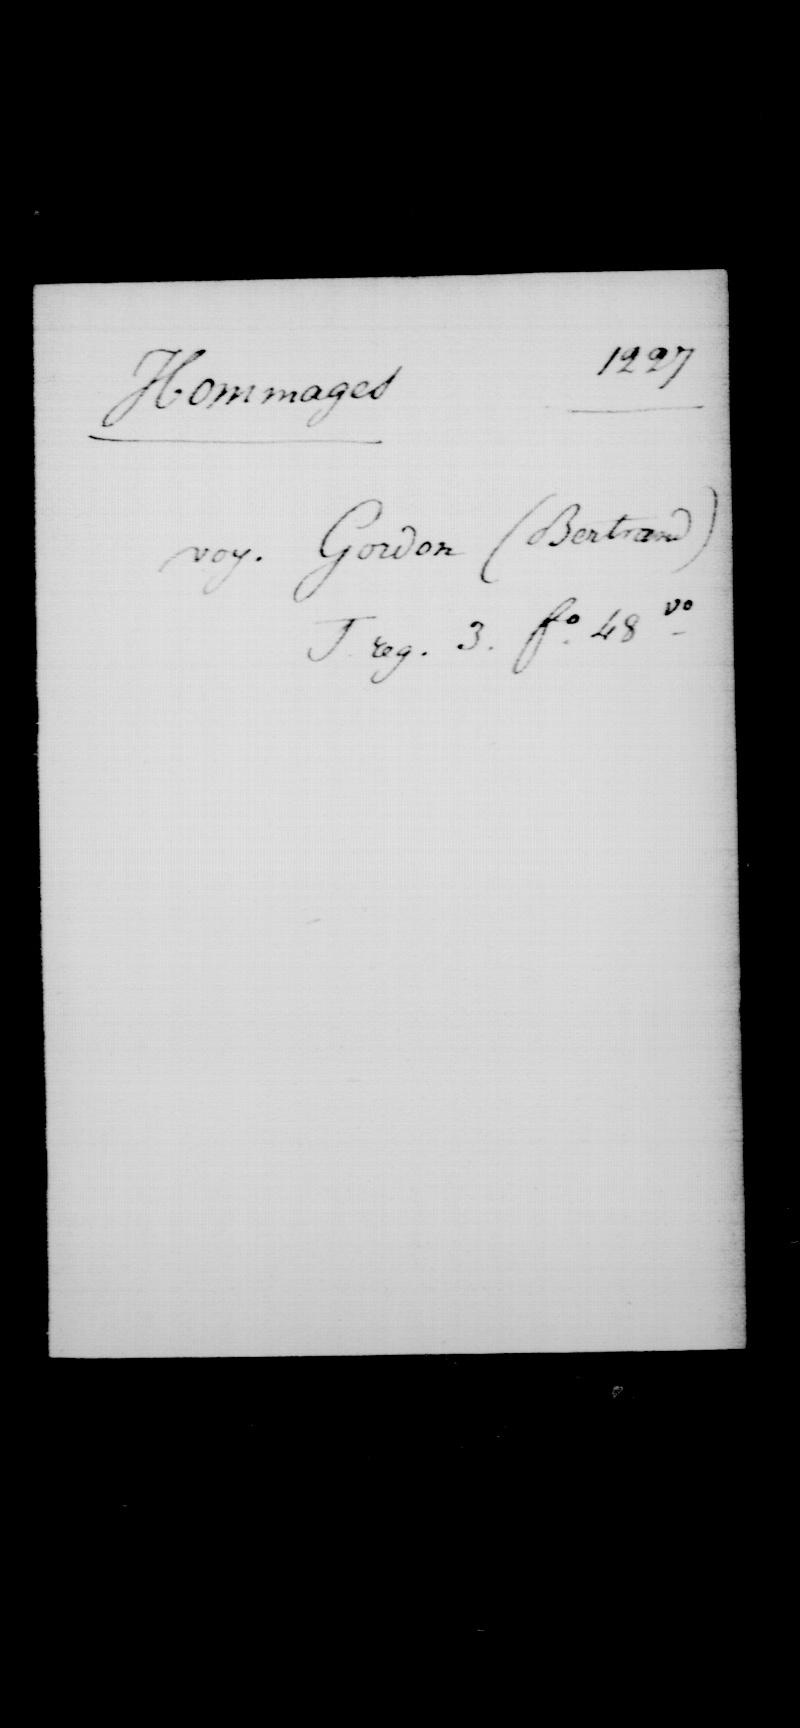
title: Hommages
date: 1227
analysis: Voir Gordon (Bertrand)
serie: J
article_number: reg. 3
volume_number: fol. 48v
